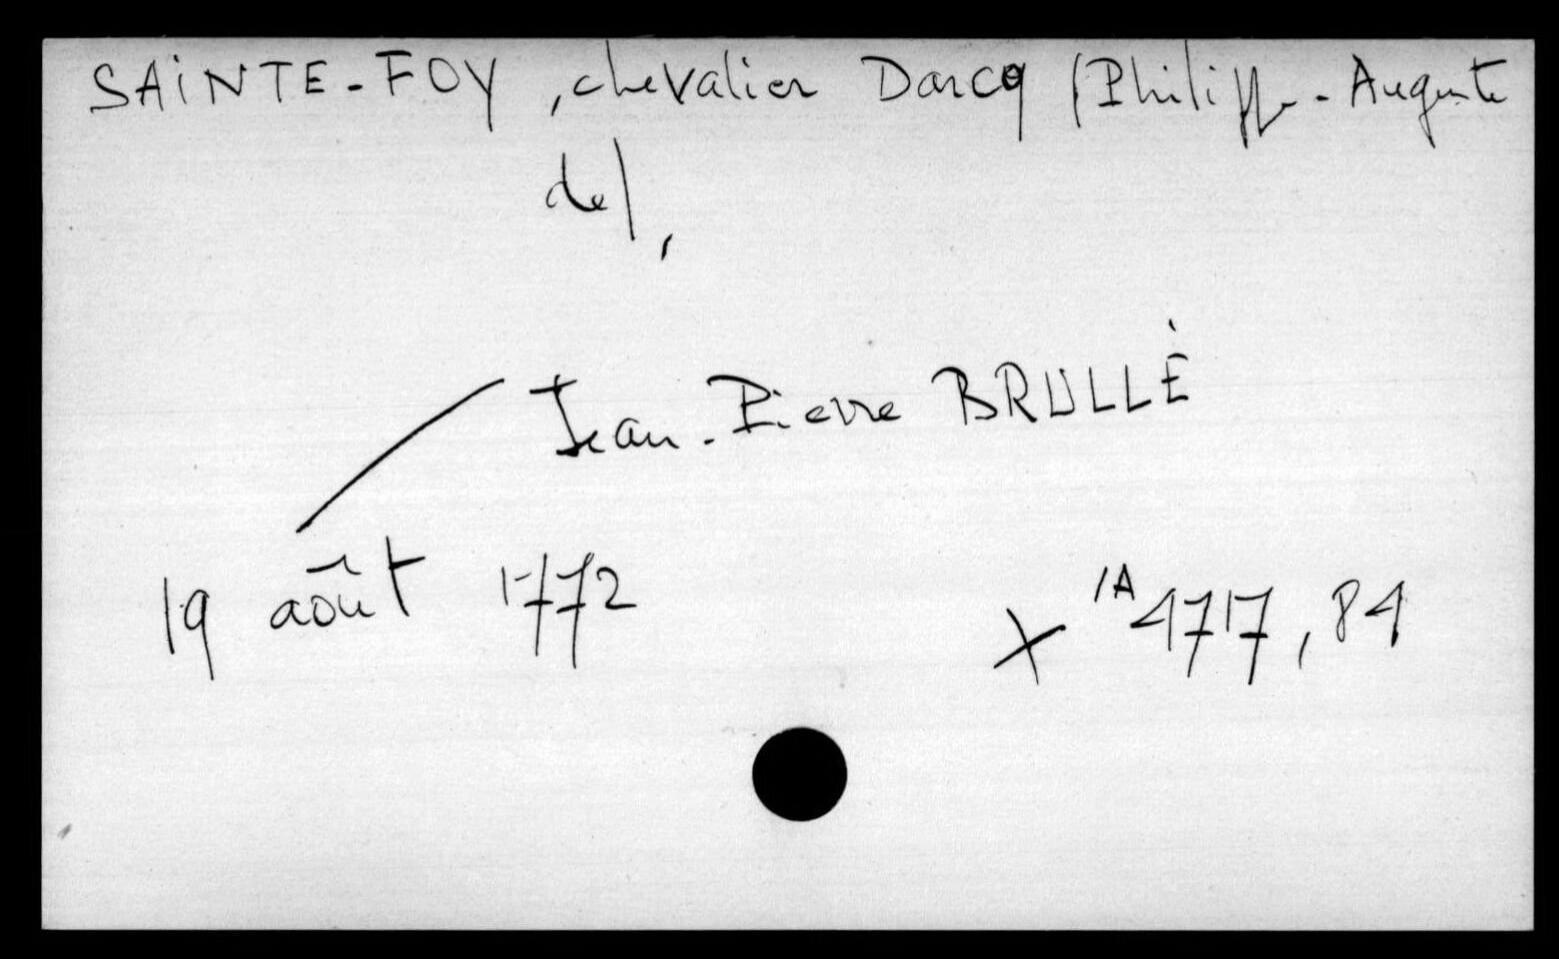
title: SAINTE-FOY, chevalier Darcq (Philippe Auguste de)
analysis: Contre Jean-Pierre BRULLÉ
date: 19 août 1772
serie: X1A
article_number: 4717
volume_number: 84
